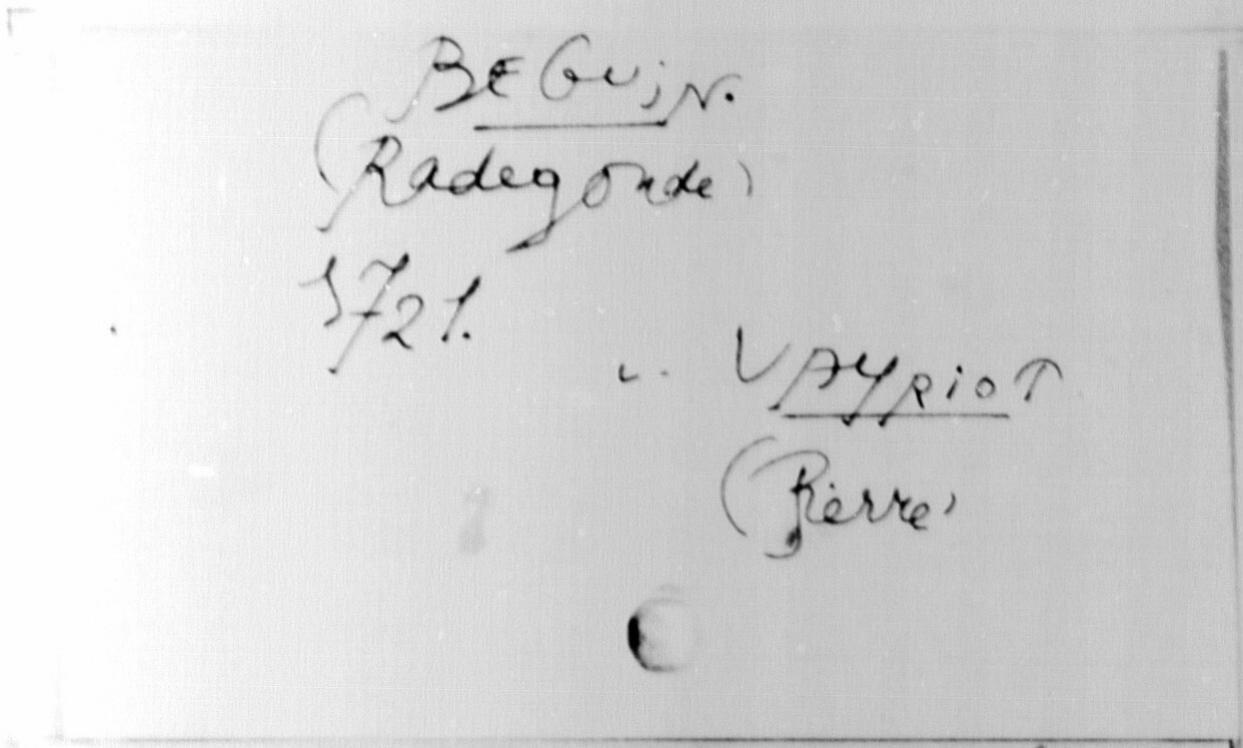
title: BEGUIN (Radegonde)
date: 1721
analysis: Voir VAYRIOT (Pierre)
